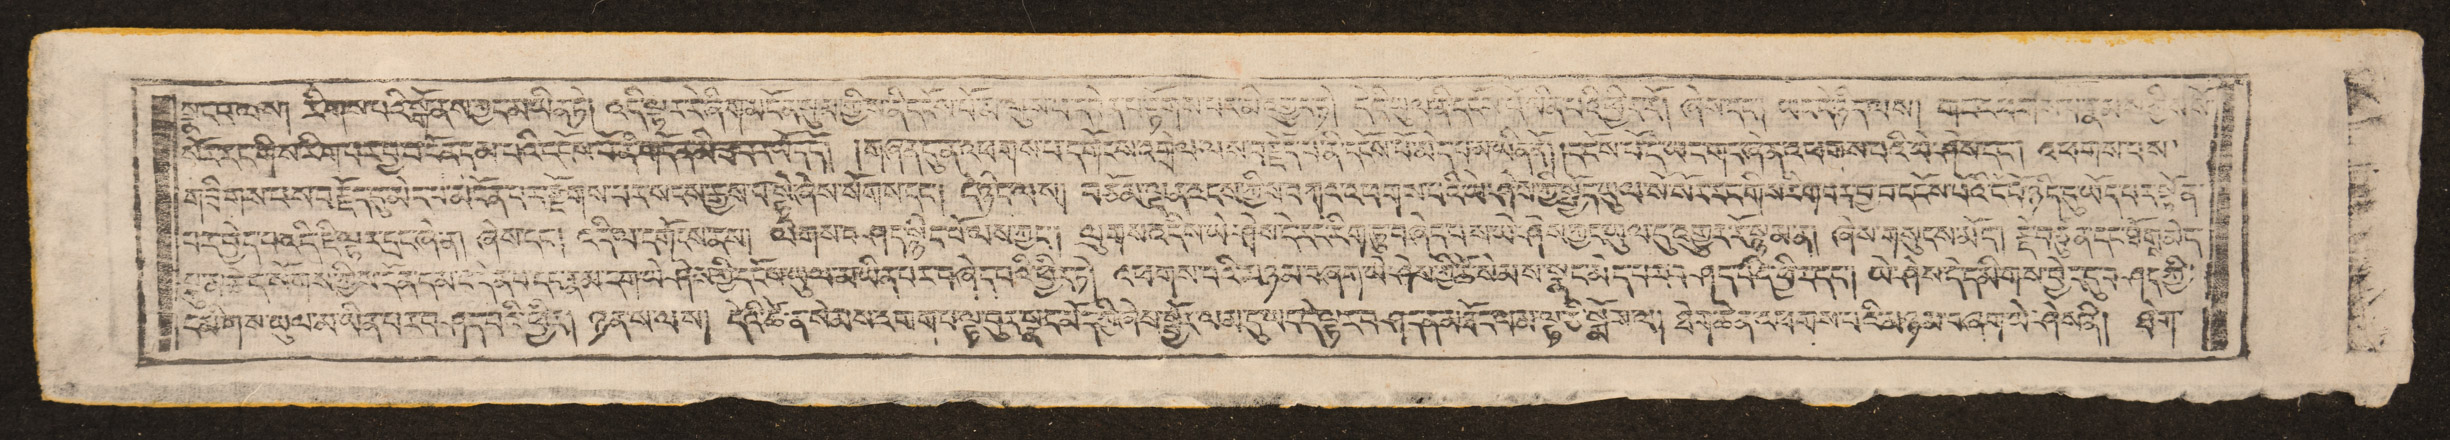སྣང་བ་ལས། རིགས་པའི་སྒོ་ནས་ཀྱང་མ་ཡིན་ཏེ། འདི་ལྟར་རེ་ཞིག་མངོན་སུམ་གྱིས་ནི་དངོས་པོ་མ་ལུས་པ་དབེན་པ་རྟོགས་པར་མི་འགྱུར་ཏེ། དེའི་ཡུལ་ནི་དངོས་པོ་ཡིན་པའི་ཕྱིར་རོ། ཞེས་དང་། ཡང་དེ་ཉིད་ལས། གང་འཕགས་པ་རྣམས་ཀྱིས་སོ་
སོར་རང་གིས་རིག་པར་བྱ་བ་དོན་དམ་པའི་དངོས་པོ་ནི་གདོན་མི་ཟ་བར་ཡོད་དོ། །གཞན་དུ་ན་འཕགས་པ་དགོངས་འགྲེལ་ལས་བརྗོད་པ་ནི་དངོས་པོ་མེད་པ་མ་ཡིན་ནོ། །དངོས་པོ་དེ་ཡང་གང་ཞེ་ན་འཕགས་པའི་ཡེ་ཤེས་དང་། འཕགས་པས་
གཟིགས་པས་བརྗོད་དུ་མེད་པ་མངོན་པར་རྫོགས་པར་སངས་རྒྱས་པ་སྟེ་ཞེས་སོགས་དང་། དེ་ཉིད་ལས། བཅོམ་ལྡན་འདས་ཀྱིས་བཀའ་འཕགས་པའི་ཡེ་ཤེས་ཀྱི་སྤྱོད་ཡུལ་སོ་སོར་རང་གིས་རིག་པར་བྱ་བ་དངོས་པོའི་ངོ་བོ་ཉིད་དུ་ཡོད་པར་སྟོན་
པར་བྱེད་པ་འདི་ཇི་ལྟར་དྲང་ཞེ་ན། ཞེས་དང་། འདི་ལ་དགོངས་ནས། ལེགས་བཤད་སྙིང་པོ་ལས་ཀྱང་། ལུགས་འདིས་ཡེ་ཤེས་དེ་རང་རིག་ཏུ་བཞེད་པས་ཡེ་ཤེས་ཀྱང་ཡུལ་དུ་འགྱུར་རོ་སྙམ་ན། ཞེས་གསུངས་མོད། རྗེ་བཙུན་དང་ཐོགས་མེད་
སྐུ་མཆེད་སོགས་ཀྱིས་དོན་དམ་འདེན་པ་དང་རྣམ་དག་ཡེ་ཤེས་ཀྱི་དངོས་ཡུལ་མ་ཡིན་པར་བཞེད་པའི་ཕྱིར་ཏེ། འཕགས་པའི་མཉམ་བཞག་ཡེ་ཤེས་ཀྱི་ཚེ་སེམས་སྣང་མེད་པར་བཤད་པའི་ཕྱིར་དང་། ཡེ་ཤེས་དེ་དམིགས་བྱེད་དུ་བཤད་ཀྱི་
དམིགས་ཡུལ་མ་ཡིན་པར་བཤད་པའི་ཕྱིར། ཉན་ས་ལས། དེའི་ཚེ་ན་སེམས་འགག་པ་ལྟ་བུར་སྣང་མོད་ཀྱི་ཞེས་སྦྱོར་ལམ་དུ་ཡང་དེ་ལྟར་བཤད་ན་མཐོང་ལམ་ལྟ་ཅི་སྨོས་ལ། ཐེག་ཆེན་འཕགས་པའི་མཉམ་བཞག་ཡེ་ཤེས་ནི། ཐེག་